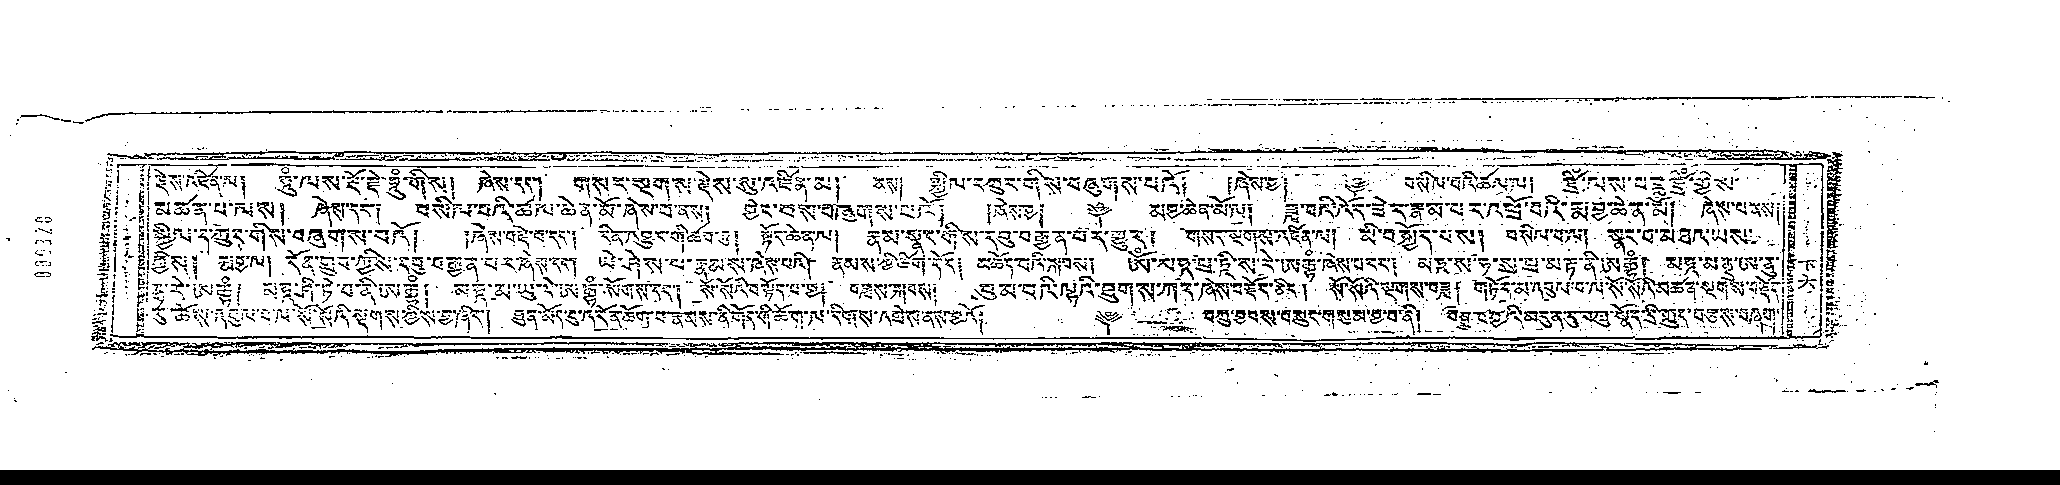རྗེས་འཛིན་ལ། ཧཱུཾ་ལས་རྡོ་རྗེ་ཧཱུཾ་གིས། ཞེས་དང་། གསང་སྔགས་རྗེས་སུ་འཛིན་མ། ནས། སྐྱིལ་དཀྲུང་གིས་བཞུགས་པའོ། །ཞེས་བྱ། ༈ བསིལ་བའི་ཚལ་ལ། ཛྲིཾ་ལས་པདམ་ཛྲིཾ་གྱིས་
མཚན་པ་ལས། ཞེས་དང་། བསིལ་བའི་ཚལ་ཆེན་མོ་ཞེས་པ་ནས། ཕྱེད་པས་བཞུགས་པའོ། །ཞེས་བྱ། ༈ རྨ་བྱ་ཆེན་མོ་ལ། ཟླ་བའི་འོད་ཟེར་རྣམ་པར་འཕྲོ་བའི་རྨ་བྱ་ཆེན་མོ། ཞེས་པ་ནས།
སྐྱིལ་དཀྲུང་གིས་བཞུགས་པའོ། །ཞེས་བརྫེ་བ་དང་། རིན་འབྱུང་གི་ཚབ་ཏུ། སྟོད་ཆེན་ལ། རྣམ་སྣང་གིས་དབུ་བརྒྱན་པར་གྱུར། གསང་སྔགས་འཛིན་ལ། མི་བསྐྱོད་པས། བསིལ་བ་ལ། སྣང་བ་མཐའ་ཡས་
ཀྱིས། རྨ་བྱ་ལ། དོན་གྲུབ་ཀྱིས་དབུ་བརྒྱན་བར་ཞེས་དང་། ཡེ་ཤེས་པ་རྣམས་ཞེས་བའི། རྣམས་ཀྱི་ཚིག་དོར། མཆོད་པའི་སྐབས། ཨོཾ་མ་ཧཱ་པྲ་ཏཱི་ས་རེ་ཨརྒྷཾ་ཞེས་པ་དང་། མ་ཧ་ས་ཧ་སྲ་བྲ་མརྡ་ནི་ཨརྒྷཾ། མཧཱ་མནྡ་ཨ་ནུ་
དྷ་རེ་ཨརྒྷཾ། མ་ཧཱ་ཤི་ཏེ་བ་ནི་ཨརྒྷཾ། མ་ཧཱ་མ་ཡུ་རོ་ཨརྒྷཾ་སོགས་དང་། སོ་སོའི་བསྟོད་པ་བྱ། བཟླས་སྐབས། བུམ་པའི་ལྷའི་ཐུགས་ཀར་ཞེས་བརྗོད་ཅིང་། སོ་སོའི་སྔགས་བཟླ། གཏོར་མ་འབུལ་བས་སོ་སོའི་མཚན་སྔགས་བརྗོད་
དུང་ཆོས་འབུལ་བ་ལ་སོ་སོའི་སྔགས་ཀྱིས་བྱ་ཞིང་། ཐུན་མོང་དུ་འདོན་ཆོག་པ་རྣམས་ནི་གང་གི་ཆོག་ལ་རིགས་འགྲེས་ནས་བྱའོ། ༈ བཀྲུ་བྱ་བས་བསྲུང་གསུམ་བྱ་བ་ནི། བསྒྲུབ་བྱའི་མདུན་དུ་བཀྲུ་སྣོང་དྲི་གླུང་བཅས་བཞག་